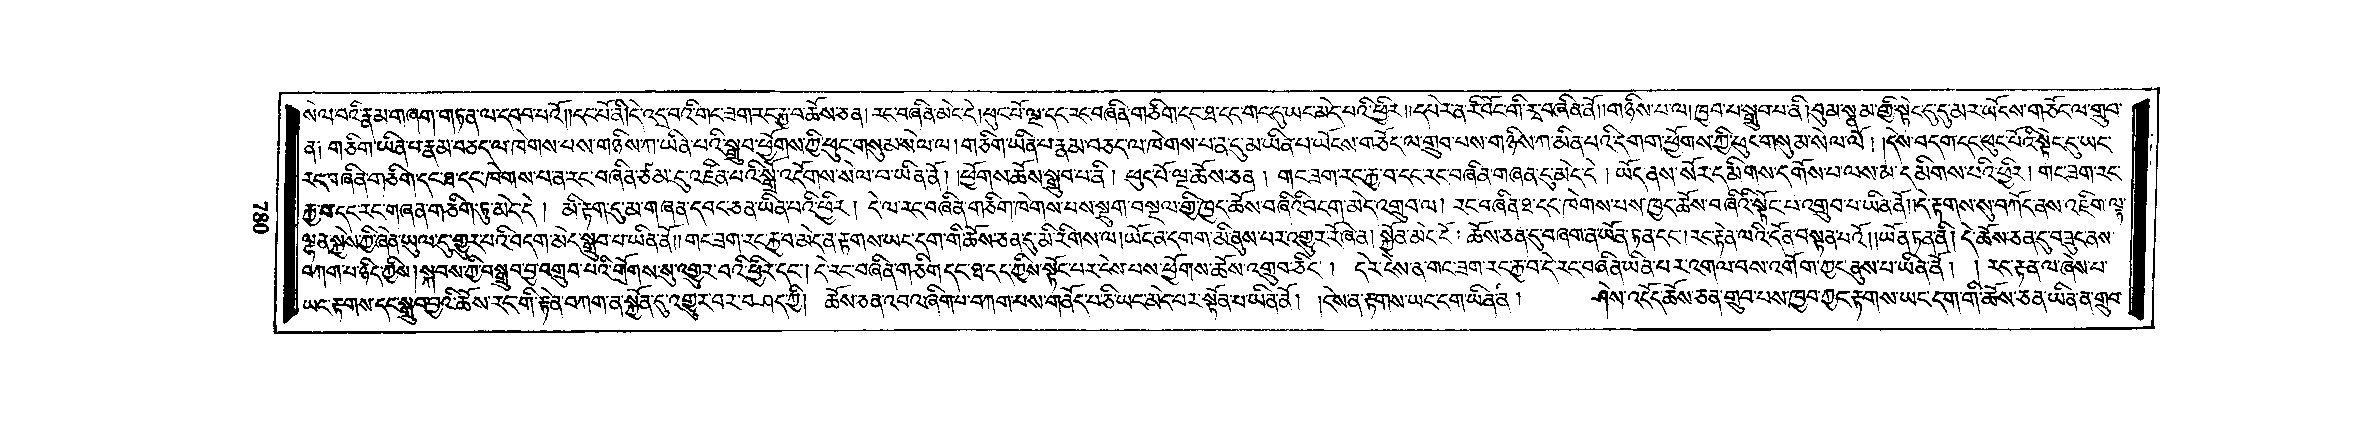སེལ་བའི་རྣམ་གཞག་གཏན་ལ་དབབ་པའོ། །དང་པོ་ནི། དེ་འདྲ་བའི་གང་ཟག་རང་རྐྱ་བ་ཆོས་ཅན། རང་བཞིན་མེད་དེ། ཕུང་པོ་ལྔ་དང་རང་བཞིན་གཅིག་དང་ཐ་དད་གང་དུ་ཡང་མེད་པའི་ཕྱིར། །དཔེར་ན་རི་བོང་གི་རྭ་བཞིན་ནོ། །གཉིས་པ་ལ། ཁྱབ་པ་སྒྲུབ་པ་ནི། བུམ་སྣམ་གྱི་སྟེང་དུ་དུ་མར་ཡོངས་གཅོད་ལ་གྲུབ་
ན། གཅིག་ཡིན་པ་རྣམ་བཅད་ལ་ཁེགས་པས་གཉིས་ཀ་ཡིན་པའི་སྒྲུབ་ཕྱོགས་ཀྱི་ཕུང་གསུམ་སེལ་ལ། གཅིག་ཡིན་པ་རྣམ་བཅད་ལ་ཁེགས་པ་ན་དུ་མ་ཡིན་པ་ཡོངས་གཅོད་ལ་གྲུབ་པས་གཉིས་ཀ་མིན་པའི་དགག་ཕྱོགས་ཀྱི་ཕུང་གསུམ་སེལ་ལོ། །དེས་བདག་དང་ཕུང་པོའི་སྟེང་དུ་ཡང་
རང་བཞིན་གཅིག་དང་ཐ་དང་ཁེགས་པ་ན་རང་བཞིན་ཙམ་དུ་འཛིན་པའི་སྒྲོ་འདོགས་སེལ་བ་ཡིན་ནོ། །ཕྱོགས་ཆོས་སྒྲུབ་པ་ནི། ཕུང་པོ་ལྔ་ཆོས་ཅན། གང་ཟག་རང་རྐྱ་བ་དང་རང་བཞིན་གཞན་དུ་མེད་དེ། ཡོད་ནས་སོར་དམིགས་དགོས་པ་ལས་མ་དམིགས་པའི་ཕྱིར། གང་ཟག་རང་
རྐྱ་བ་དང་རང་གཞན་གཅིག་ཏུ་མེད་དེ། མི་རྟག་དུ་མ་གཞན་དབང་ཅན་ཡིན་པའི་ཕྱིར། དེ་ལ་རང་བཞིན་གཅིག་ཁེགས་པས་སྡུག་བསྔལ་གྱི་ཁྱད་ཆོས་བཞིའི་བདག་མེད་འགྲུབ་ལ། རང་བཞིན་ཐ་དད་ཁེགས་པས་ཁྱད་ཆོས་བཞིའི་སྟོང་པ་འགྲུབ་པ་ཡིན་ནོ། །དེ་རྟགས་སུ་བཀོད་ནས་འཇིག་ལྟ་
ལྷན་སྐྱེས་ཀྱི་ཞེན་ཡུལ་དུ་གྱུར་པའི་བདག་མེད་སྒྲུབ་པ་ཡིན་ནོ། །གང་ཟག་རང་རྐྱ་བ་མེད་ན་རྟགས་ཡང་དག་གི་ཆོས་ཅན་དུ་མི་རིགས་ལ། ཡོད་ན་དགག་མི་ནུས་པར་འགྱུར་རོ་ཞེ་ན། སྐྱོན་མེད་དོ། ཆོས་ཅན་དུ་བཞག་ན་ཡོན་ཏན་དང་། རང་རྟེན་ལའི་དོན་བསྟན་པའོ། །ཡོན་ཏན་ནི། དེ་ཆོས་ཅན་དུ་བཟུང་ནས་
བཀག་པ་ཉིད་ཀྱིས། སྐབས་ཀྱི་བསྒྲུབ་བྱ་འགྲུབ་པའི་གྲོགས་སུ་འགྱུར་བའི་ཕྱིར་དང་། དེ་རང་བཞིན་གཅིག་དང་ཐ་དད་ཀྱིས་སྟོང་པར་ངེས་པས་ཕྱོགས་ཆོས་འགྲུབ་ཅིང་། དེར་ངེས་ན་གང་ཟག་རང་རྐྱ་བ་དེ་རང་བཞིན་ཡིན་པར་འགལ་བས་འགོག་ཀྱང་ནུས་པ་ཡིན་ནོ། །རང་རྟན་ལ་ཞེས་པ་
ཡང་རྟགས་དང་སྒྲུབ་བྱའི་ཆོས་རང་གི་རྟེན་བཀག་ན་སྐྱོན་དུ་འགྱུར་བར་བཤད་ཀྱི། ཆོས་ཅན་འབའ་ཞིག་པ་བཀག་པས་གནོད་པ་ཅི་ཡང་མེད་པར་སྟོན་པ་ཡིན་ནོ། །ངེས་ན་རྟགས་ཡང་དག་ཡིན་ན། ཤེས་འདོད་ཆོས་ཅན་གྲུབ་པས་ཁྱབ་ཀྱང་རྟགས་ཡང་དག་གི་ཆོས་ཅན་ཡིན་ན་གྲུབ་